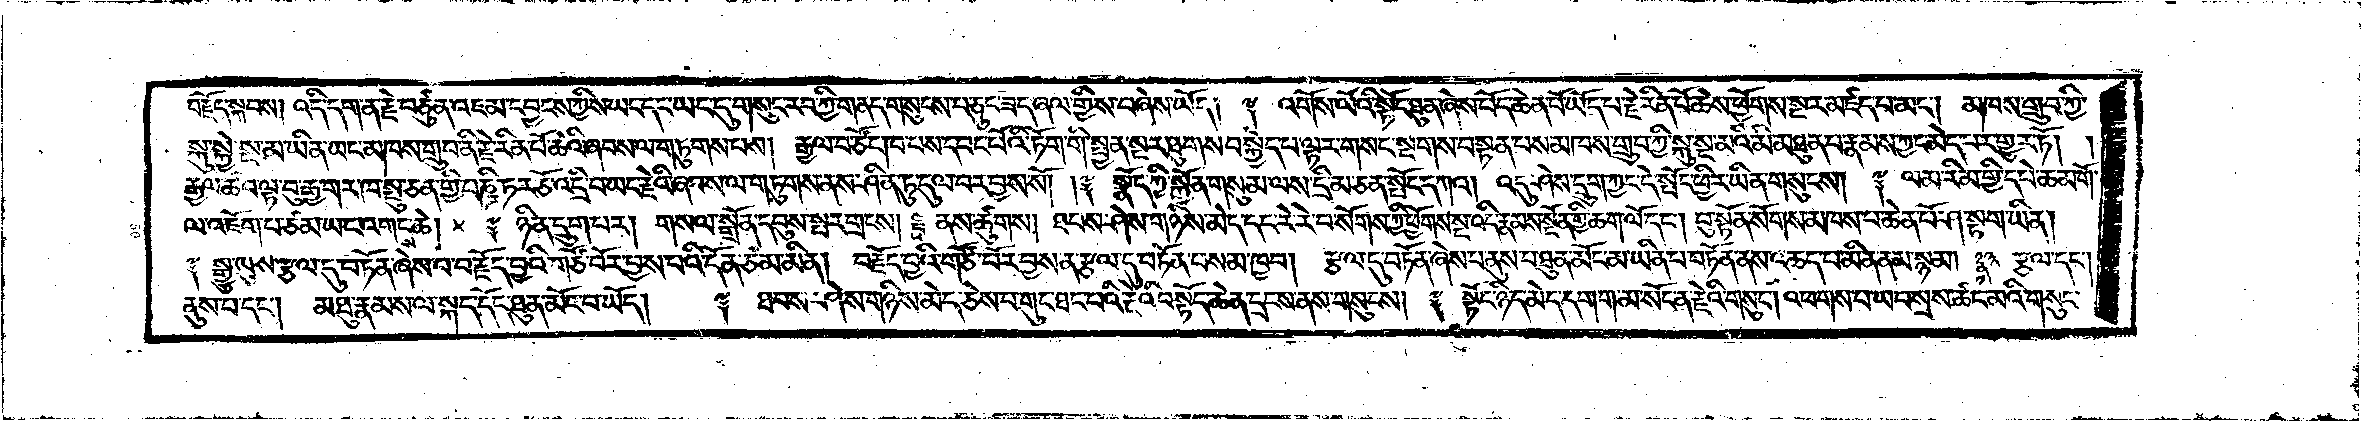བརྗོད་སྐབས། འདི་དག་ན་རྗེ་བཙུན་འཇམ་དབྱངས་ཀྱིས་ཡང་དང་ཡང་དུ་གསུང་རབ་ཀྱི་གནད་གསུངས་པ་ཅུང་ཟད་ཞལ་གྱིས་བཞེས་ཡོད། ༈ འགོས་ལོའི་སྟོང་ཐུན་ཞེས་བོད་ཆེན་པོ་ཡོད་པ་རྗེ་རིན་པོ་ཆེས་ཕྱོགས་སྔར་མཛད་པ་མང་། མཁས་གྲུབ་ཀྱི་
སྐུ་སྐྱེ་སྔ་མ་ཡིན་ཡང་མཁས་གྲུབ་ནི་རྗེ་རིན་པོ་ཆེའི་ཞབས་ལ་གཏུགས་པས། རྒྱལ་པ་ཙོང་ཁ་པས་དབང་པོའི་ཏོག་གི་སྤྱན་སྔར་ཐུགས་བསྐྱེད་པ་ལྟར་གསང་སྔགས་བསྟན་པས་མཁས་གྲུབ་ཀྱི་སྐུ་སྔ་མའི་མི་མཐུན་པ་རྣམས་ཀྱང་མེད་པར་གྱུར་ཏོ། །
རྒྱལ་ཚབ་ལྟ་བུ་རྒྱ་གར་ཁ་སྤུ་ཅན་གྱི་པཎྜི་ཏར་ཅོ་འདྲི་པ་ཡང་རྗེའི་ཞབས་ལ་གཏུགས་ནས་ཤིན་ཏུ་དུལ་བར་བྱས་སོ། །༈ སྣོད་ཀྱི་སྐྱོན་གསུམ་ལས་དྲི་མ་ཅན་སྤོང་དཀའ། འདུ་ཤེས་དྲུག་ཀྱང་དེ་སྤོང་ཕྱིར་ཡིན་གསུངས། ༈ ལམ་རིམ་གྱི་དཔེ་ཆ་མགོ་
ལ་འཇོག་པ་ཙམ་ཡང་འགངས་ཆེ། ྾་༈ ཉིན་དྲུག་པར། གསལ་སྒྲོན་དབུས་སྤར་གྲངས། ༤བ༥་ནས་ཚུགས། ཐབས་ཤེས་གཉིས་མེད་དང་རེ་རེ་པ་སོགས་ཀྱི་ཕྱོགས་སྔ་འདི་རྣམས་སྔོན་གྱི་ཆག་ལོ་དང་། བུ་སྟོན་སོགས་མཁས་པ་ཆེན་པོ་ཤ་སྟག་ཡིན།
༈ སྒྱུ་ལུས་རྩལ་དུ་བཏོན་ཞེས་པ་བརྗོད་བྱའི་གཙོ་བོར་བྱས་པའི་དོན་ཙམ་མིན། བརྗོད་བྱའི་གཙོ་བོར་བྱས་ན་རྩལ་དུ་བཏོན་པས་མ་ཁྱབ། རྩལ་དུ་བཏོན་ཞེས་པ་ནུས་པ་ཐུན་མོང་མ་ཡིན་པ་བཏོན་ནས་འཆད་པ་མིན་ནམ་སྙམ། ༡༣ན༡་རྩལ་དང་།
ནུས་པ་དང་། མཐུ་རྣམས་ལ་སྐད་དོད་ཐུན་མོང་བ་ཡོད། ༈ ཐབས་ཤེས་གཉིས་མེད་ཅེས་པ་གུང་ཐང་བའི་རྗེའི་བསྟོད་ཆེན་དྲངས་ནས་གསུངས། ༈ སྟོང་ཉིད་མེད་དགག་མ་སོང་ན་རྗེའི་གསུང་། འཕགས་པ་ཡབ་སྲས་ཚང་མའི་གསུང་